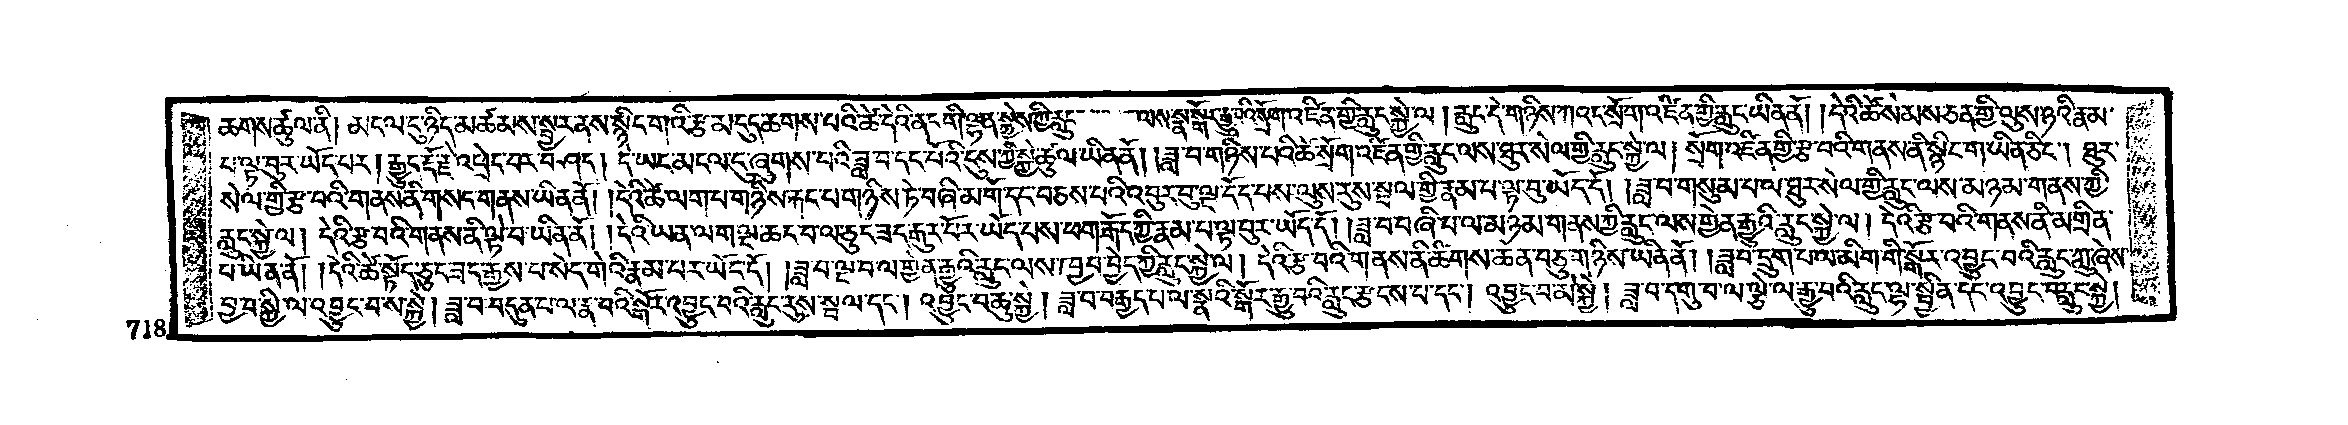ཆགས་ཚུལ་ནི། མངལ་དུ་ཉིད་མཚམས་སྦྱར་ནས་སྙིང་གའི་རྩ་མདུད་ཆགས་པའི་ཚེ་དེའི་ནང་གི་ལྷན་སྐྱེས་ཀྱི་རླུང་ལས་སྣ་སྒོར་རྒྱུ་བའི་སྲོག་འཛིན་གྱི་རླུང་སྐྱེ་ལ། རླུང་དེ་གཉིས་ཀའང་སྲོག་འཛིན་གྱི་རླུང་ཡིན་ནོ། །དེའི་ཚེ་སེམས་ཅན་གྱི་ལུས་ཉའི་རྣམ་
པ་ལྟ་བར་ཡོད་པར། རྒྱུད་རྡོ་རྗེ་འཕྲེང་བར་བཤད། དེ་ཡང་མངལ་དུ་ཞུགས་པའི་ཟླ་བ་དང་པོའི་དུས་ཀྱི་སྐྱེ་ཚུལ་ཡིན་ནོ། །ཟླ་བ་གཉིས་པའི་ཚེ་སྲོག་འཛིན་གྱི་རླུང་ལས་ཐུར་སེལ་གྱི་རླུང་སྐྱེ་ལ། སྲོག་འཛིན་གྱི་རྩ་བའི་གནས་ནི་སྙིང་ག་ཡིན་ཅིང་། ཐུར་
སེལ་ཀྱི་རྩ་བའི་གནས་ནི་གསང་གནས་ཡིན་ནོ། །དེའི་ཚེ་ལག་པ་གཉིས་རྐང་པ་གཉིས་ཏེ་བཞི་མགོ་དང་བཅས་པའི་འབུར་བུ་ལྔ་དོད་པས་ལུས་རུས་སྦལ་གྱི་རྣམ་པ་ལྟ་བུ་ཡོད་དོ། །ཟླ་བ་གསུམ་པ་ལ་ཐུར་སེལ་གྱི་རླུང་ལས་མཉམ་གནས་ཀྱི་
རླུང་སྐྱེ་ལ། དེའི་རྩ་བའི་གནས་ནི་ལྟེ་བ་ཡིན་ནོ། །དེའི་ཡན་ལག་ལྔ་ཆང་བ་ལ་ཅུང་ཟད་རྒུར་པོར་ཡོད་པས་ཕག་རྒོད་ཀྱི་རྣམ་པ་ལྟ་བུར་ཡོད་དོ། །ཟླ་བ་བཞི་པ་ལ་མཉམ་གནས་ཀྱི་རླུང་ལས་གྱེན་རྒྱུའི་རླུང་སྐྱེ་ལ། དེའི་རྩ་བའི་གནས་ནི་མགྲིན་
པ་ཡིན་ནོ། །དེའི་ཚེ་སྟོད་ཅུང་ཟད་རྒྱས་པ་སེང་གེའི་རྣམ་པར་ཡོད་དོ། །ཟླ་བ་ལྔ་པ་ལ་གྱེན་རྒྱུའི་རླུང་ལས་ཁྱབ་བྱེད་ཀྱི་རླུང་སྐྱེ་ལ། དེའི་རྩ་བའི་གནས་ནི་ཚིགས་ཆེན་བཅུ་གཉིས་ཡིན་ནོ། །ཟླ་བ་དྲུག་པ་ལ་མིག་གི་སྒོར་འབྱུང་བའི་རླུང་ཀླུ་ཞེས་
བྱ་བ་སྐྱེ་ལ་འབྱུང་བས་སྐྱེ། ཟླ་བ་བདུན་པ་ལ་རྣ་བའི་སྒོར་འབྱུང་བའི་རླུང་རུས་སྦལ་དང་། འབྱུང་བ་ཆུ་སྐྱེ། ཟླ་བ་བརྒྱད་པ་ལ་སྣའི་སྒོར་རྒྱུ་བའི་རླུང་རྩངས་པ་དང་། འབྱུང་བ་མེ་སྐྱེ། ཟླ་བ་དགུ་བ་ལ་ལྕེ་ལ་རྒྱུ་བའི་རླུང་ལྷ་སྦྱིན་དང་འབྱུང་བརླུང་སྐྱེ།